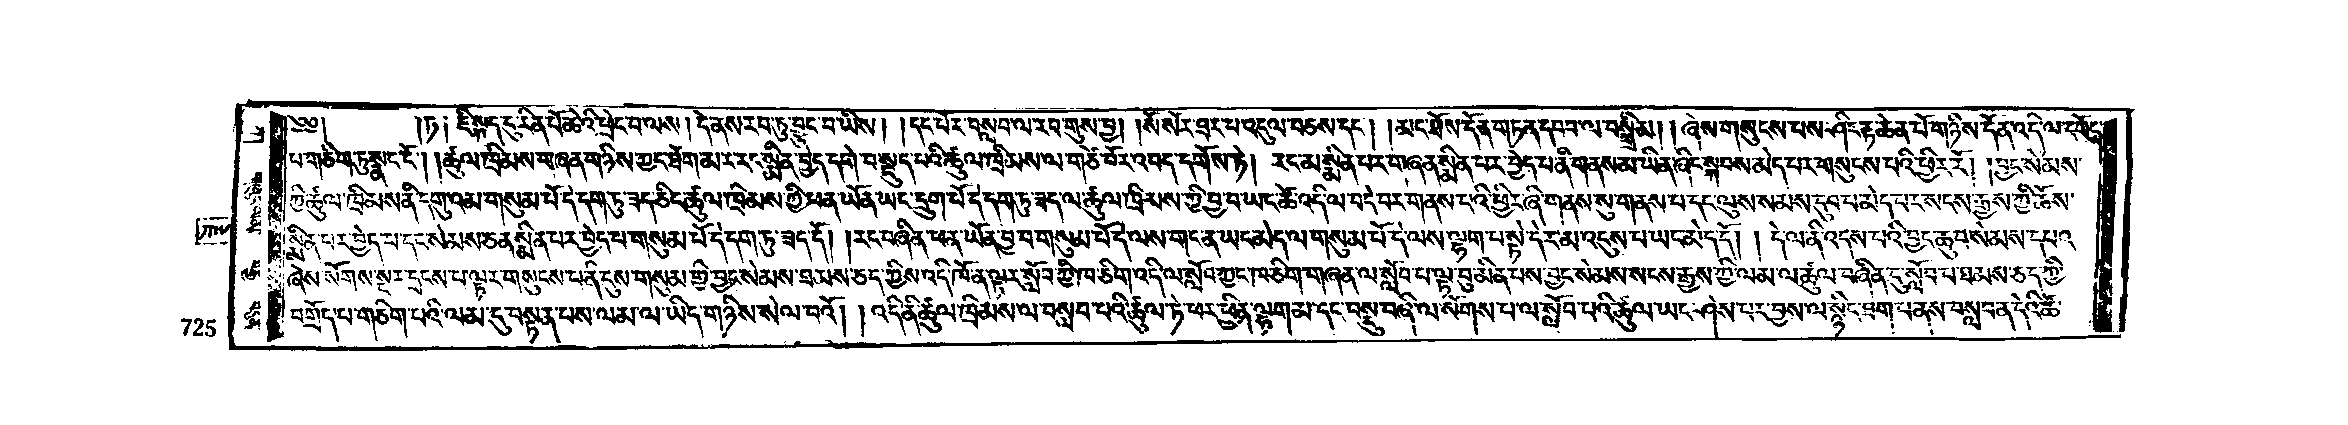༄༅། །ཏེ། ཇི་སྐད་དུ་རིན་པོ་ཆེའི་ཕྲེང་བ་ལས། དེ་ནས་རབ་ཏུ་བྱུང་བ་ཡིས། །དང་པོར་བསླབ་ལ་རབ་གུས་བྱ། །སོ་སོར་ཐར་པ་འདུལ་བཅས་དང་། །མང་ཐོས་དོན་གཏན་དབབ་ལ་བསྒྲིམ། །ཞེས་གསུངས་པས་ཤིང་རྟ་ཆེན་པོ་གཉིས་དོན་འདི་ལ་དགོངས་
པ་གཅིག་ཏུ་སྣང་ངོ། །ཚུལ་ཁྲིམས་གཞན་གཉིས་ཀྱང་ཐོག་མར་རང་སྨིན་བྱེད་དགེ་བ་སྡུད་པའི་ཚུལ་ཁྲིམས་ལ་གཙོ་བོར་འབད་དགོས་ཏེ། རང་མ་སྨིན་པར་གཞན་སྨིན་པར་བྱེད་པ་ནི་གནས་མ་ཡིན་ཞིང་སྐབས་མེད་པར་གསུངས་པའི་ཕྱིར་རོ། །བྱང་སེམས་
ཀྱི་ཚུལ་ཁྲིམས་ནི་དགུ་འམ་གསུམ་པོ་དེ་དག་ཏུ་ཟད་ཅིང་ཚུལ་ཁྲིམས་ཀྱི་ཕན་ཡོན་ཡང་དྲུག་པོ་དེ་དག་ཏུ་ཟད་ལ་ཚུལ་ཁྲིམས་ཀྱི་བྱ་བ་ཡང་ཚེ་འདི་ལ་བདེ་བར་གནས་པའི་ཕྱིར་ཞི་གནས་སུ་གནས་པ་དང་ལུས་སེམས་དུབ་པ་མེད་པར་སངས་རྒྱས་ཀྱི་ཆོས་
སྨིན་པར་བྱེད་པ་དང་སེམས་ཅན་སྨིན་པར་བྱེད་པ་གསུམ་པོ་དེ་དག་ཏུ་ཟད་དོ། །རང་བཞིན་ཕན་ཡོན་བྱ་བ་གསུམ་པོ་དེ་ལས་གང་ན་ཡང་མེད་ལ་གསུམ་པོ་དེ་ལས་ལྷག་པ་སྟེ་དེར་མ་འདུས་པ་ཡང་མེད་དོ། །དེ་ལ་ནི་འདས་པའི་བྱང་ཆུབ་སེམས་དཔའ་
ཞེས་སོགས་སྔར་དྲངས་པ་ལྟར་གསུངས་པ་ནི་དུས་གསུམ་གྱི་བྱང་སེམས་ཐམས་ཅད་ཀྱིས་འདི་ཁོ་ན་ལྟར་སློབ་ཀྱི་ཁ་ཅིག་འདི་ལ་སློབ་ཀྱང་ཁ་ཅིག་གཞན་ལ་སློབ་པ་ལྟ་བུ་མིན་པས་བྱང་སེམས་སངས་རྒྱས་ཀྱི་ལམ་ལ་ཚུལ་བཞིན་དུ་སློབ་པ་ཐམས་ཅད་ཀྱི་
བགྲོད་པ་གཅིག་པའི་ལམ་དུ་བསྟན་པས་ལམ་ལ་ཡིད་གཉིས་སེལ་བའོ། །འདི་ནི་ཚུལ་ཁྲིམས་ལ་བསླབ་པའི་ཚུལ་ཏེ་ཕར་ཕྱིན་ལྷག་མ་དང་བསྡུ་བཞི་ལ་སོགས་པ་ལ་སློབ་པའི་ཚུལ་ཡང་ཤེས་པར་བྱས་ལ་སྙིང་ཐག་པ་ནས་བསླབ་ན་དེའི་ཚེ་